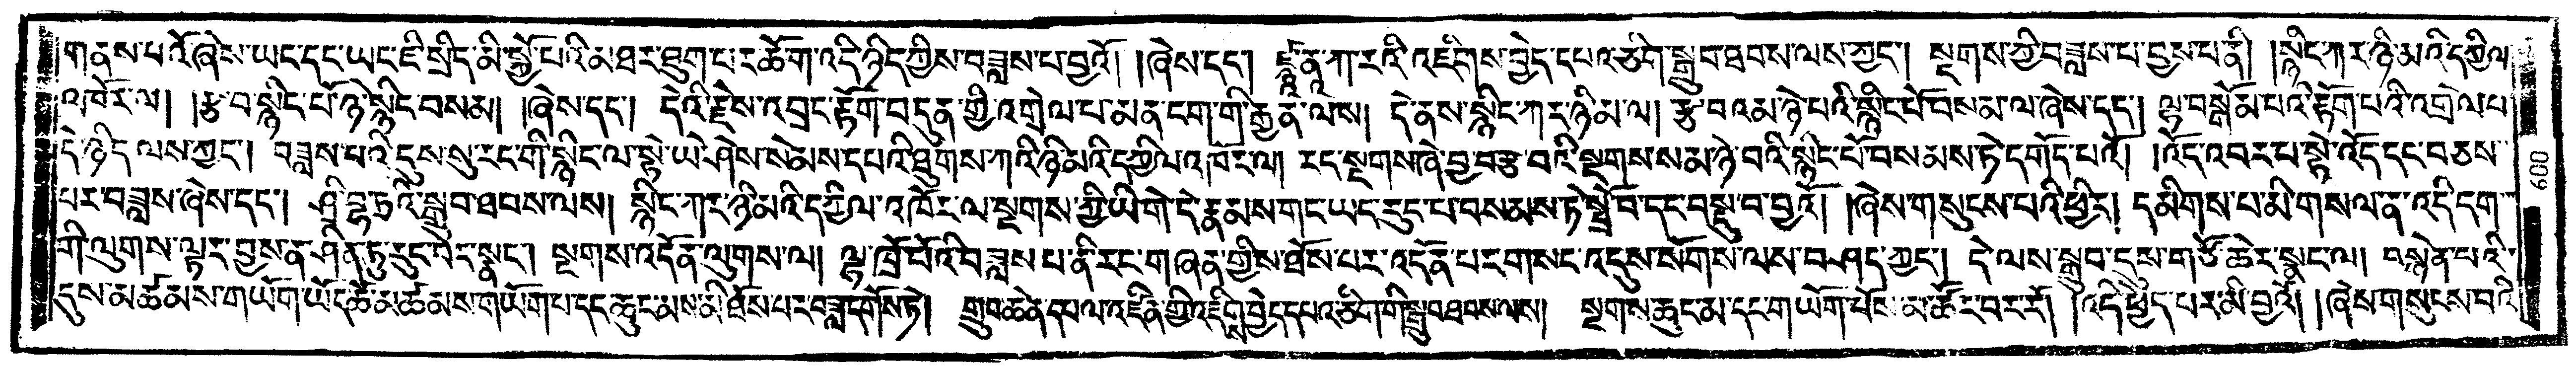གནས་པའོ་ཞེས་ཡང་དང་ཡང་ཇི་སྲིད་མི་སྐྱོ་པའི་མཐར་ཐུག་པར་ཆོ་ག་འདི་ཉིད་ཀྱིས་བཟླས་པ་བྱའོ། །ཞེས་དང་། ཛྙཱ་ནཱ་ཀ་རའི་འཇིགས་བྱེད་དཔའ་ཅིག་སྒྲུབ་ཐབས་ལས་ཀྱང་། སྔགས་ཀྱི་བཟླས་པ་བྱས་པ་ནི། །སྙིང་ཀར་ཉི་མའི་དཀྱིལ་
འཁོར་ལ། །རྩ་བ་སྙིང་པོ་ཉེ་སྙིང་བསམ། །ཞེས་དང་། དེའི་རྗེས་འབྲང་རྟོག་བདུན་གྱི་འགྲེལ་པ་མན་ངག་གི་རྒྱན་ལས། དེ་ནས་སྙིང་ཀར་ཉི་མ་ལ། རྩ་བའམ་ཉེ་པའི་སྙིང་པོ་བསམ་ལ་ཞེས་དང་། ལྷ་བསྒོམ་པའི་རྟོག་པའི་འགྲེལ་པ་
དེ་ཉིད་ལས་ཀྱང་། བཟླས་པའི་དུས་སུ་རང་གི་སྙིང་ལ་སྟེ་ཡེ་ཤེས་སེམས་དཔའི་ཐུགས་ཀའི་ཉི་མའི་དཀྱིལ་འཁོར་ལ། རང་སྔགས་ཞེ་བྱ་བ་རྩ་བའི་སྔགས་མ་ཉེ་བའི་སྙིང་པོ་བསམས་ཏེ་དགོད་པའོ། །འོད་འབར་པ་སྟེ་འོད་དང་བཅས་
པར་བཟླས་ཞེས་དང་། ཤྲི་བྷ་ཏྲའི་སྒྲུབ་ཐབས་ལས། སྙིང་ཀར་ཉི་མའི་དཀྱིལ་འཁོར་ལ་སྔགས་ཀྱི་ཡི་གེ་དེ་རྣམས་གང་ཡང་རུང་པ་བསམས་ཏེ་སྤྲོ་བ་དང་བསྡུ་བ་བྱའོ། །ཞེས་གསུངས་པའི་ཕྱིར། དམིགས་པ་མི་གསལ་ན་འདི་དག་
གི་ལུགས་ལྟར་བྱས་ན་ཤིན་ཏུ་རུང་བར་སྣང་། སྔགས་འདོན་ལུགས་ལ། ལྷ་ཁྲོ་བོའི་བཟླས་པ་ནི་རང་གཞན་གྱིས་ཐོས་པར་འདོན་པར་གསང་འདུས་སོགས་ལས་བཤད་ཀྱང་། དེ་ལས་སྒྲུབ་དུས་གཙོ་ཆེར་སྣང་ལ། བསྙེན་པའི་
དུས་མཚམས་གཡོག་ཡོད་ཚེ?་མཚམས་གཡོག་པ་དང་ཆུང་མས་མི་ཐོས་པར་བཟླ་དགོས་ཏེ། གྲུབ་ཆེན་དཔལ་འཛིན་གྱི་འཇིགས་བྱེད་དཔའ་ཅིག་གི་སྒྲུབ་ཐབས་ལ། སྔགས་ཆུང་མ་དང་གཡོག་པོས་མ་ཚོང་བར་རོ། །འདི་ཕྱེད་པར་མི་བྱའོ། །ཞེས་གསུངས་པའི་